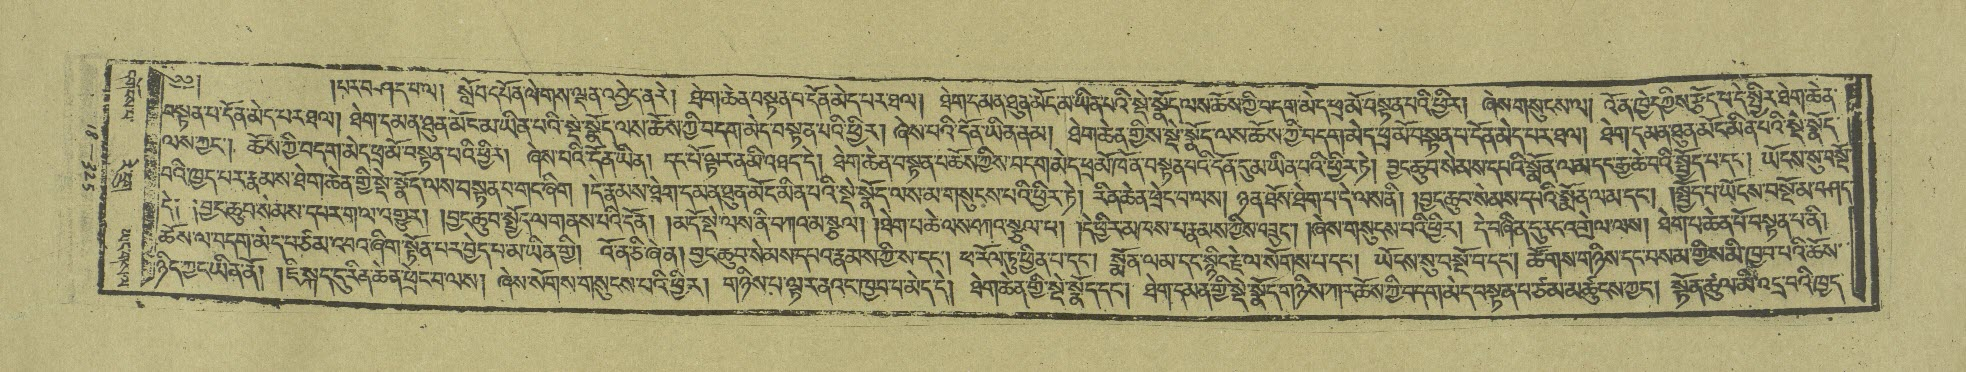༄༅། །པར་བཤད་པ་ལ། སློབ་དཔོན་ལེགས་ལྡན་འབྱེད་ན་རེ། ཐེག་ཆེན་བསྟན་པ་དོན་མེད་པར་ཐལ། ཐེག་དམན་ཐུན་མོང་མ་ཡིན་པའི་སྡེ་སྣོད་ལས་ཆོས་ཀྱི་བདག་མེད་ཕྲ་མོ་བསྟན་པའི་ཕྱིར། ཞེས་གསུངས་ལ། འོ་ན་ཁྱེད་ཀྱིས་རྩོད་པ་དེ་སྤྱིར་ཐེག་ཆེན་
བསྟན་པ་དོན་མེད་པར་ཐལ། ཐེག་དམན་ཐུན་མོང་མ་ཡིན་པའི་སྡེ་སྣོད་ལས་ཆོས་ཀྱི་བདག་མེད་བསྟན་པའི་ཕྱིར། ཞེས་པའི་དོན་ཡིན་ནམ། ཐེག་ཆེན་གྱིས་སྡེ་སྣོད་ལས་ཆོས་ཀྱི་བདག་མེད་ཕྲ་མོ་བསྟན་པ་དོན་མེད་པར་ཐལ། ཐེག་དམན་ཐུན་མོང་མིན་པའི་སྡེ་སྣོད་
ལས་ཀྱང་། ཆོས་ཀྱི་བདག་མེད་ཕྲ་མོ་བསྟན་པའི་ཕྱིར། ཞེས་པའི་དོན་ཡིན། དང་པོ་ལྟར་ན་མི་འཐད་དེ། ཐེག་ཆེན་བསྟན་པ་ཆོས་ཀྱིས་བདག་མེད་ཕྲ་མོ་ཁོ་ན་བསྟན་པའི་དོན་དུ་མ་ཡིན་པའི་ཕྱིར་ཏེ། བྱང་ཆུབ་སེམས་དཔའི་སྨོན་ལམ་དང་རྒྱ་ཆེ་བའི་སྤྱོད་པ་དང་། ཡོངས་སུ་བསྔོ་
བའི་ཁྱད་པར་རྣམས་ཐེག་ཆེན་གྱི་སྡེ་སྣོད་ལས་བསྟན་པ་གང་ཞིག །དེ་རྣམས་ཐེག་དམན་ཐུན་མོང་མིན་པའི་སྡེ་སྣོད་ལས་མ་གསུངས་པའི་ཕྱིར་ཏེ། རིན་ཆེན་ཕྲེང་བ་ལས། ཉན་ཐོས་ཐེག་པ་དེ་ལས་ནི། །བྱང་ཆུབ་སེམས་དཔའི་སྨོན་ལམ་དང་། །སྤྱོད་པ་ཡོངས་བསྔོ་མ་བཤད་
དེ། །བྱང་ཆུབ་སེམས་དཔར་ག་ལ་འགྱུར། །བྱང་ཆུབ་སྤྱོད་ལ་གནས་པའི་དོན། །མདོ་སྡེ་ལས་ནི་བཀའ་མ་སྩལ། །ཐེག་པ་ཆེ་ལས་བཀའ་སྩལ་པ། །དེ་ཕྱིར་མཁས་པ་རྣམས་ཀྱིས་བཟུང་། །ཞེས་གསུངས་པའི་ཕྱིར། དེ་བཞིན་དུ་རང་འགྲེལ་ལས། ཐེག་པ་ཆེན་པོ་བསྟན་པ་ནི།
ཆོས་ལ་བདག་མེད་པ་ཙམ་འབའ་ཞིག་སྟོན་པར་བྱེད་པ་མ་ཡིན་གྱི། འོ་ན་ཅི་ཞེ་ན། བྱང་ཆུབ་སེམས་དཔའ་རྣམས་ཀྱི་ས་དང་། ཕ་རོལ་ཏུ་ཕྱིན་པ་དང་། སྨོན་ལམ་དང་སྙིང་རྗེ་ལ་སོགས་པ་དང་། ཡོངས་སུ་བསྔོ་བ་དང་། ཚོགས་གཉིས་དང་བསམ་གྱིས་མི་ཁྱབ་པའི་ཆོས་
ཉིད་ཀྱང་ཡིན་ནོ། །ཇི་སྐད་དུ་རིན་ཆེན་ཕྲེང་བ་ལས། ཞེས་སོགས་གསུངས་པའི་ཕྱིར། གཉིས་པ་ལྟར་ནའང་ཁྱབ་པ་མེད་དེ། ཐེག་ཆེན་གྱི་སྡེ་སྣོད་དང་། ཐེག་དམན་གྱི་སྡེ་སྣོད་གཉིས་ཀར་ཆོས་ཀྱི་བདག་མེད་བསྟན་པ་ཙམ་མཚུངས་ཀྱང་། སྟོན་ཚུལ་མི་འདྲ་བའི་ཁྱད་